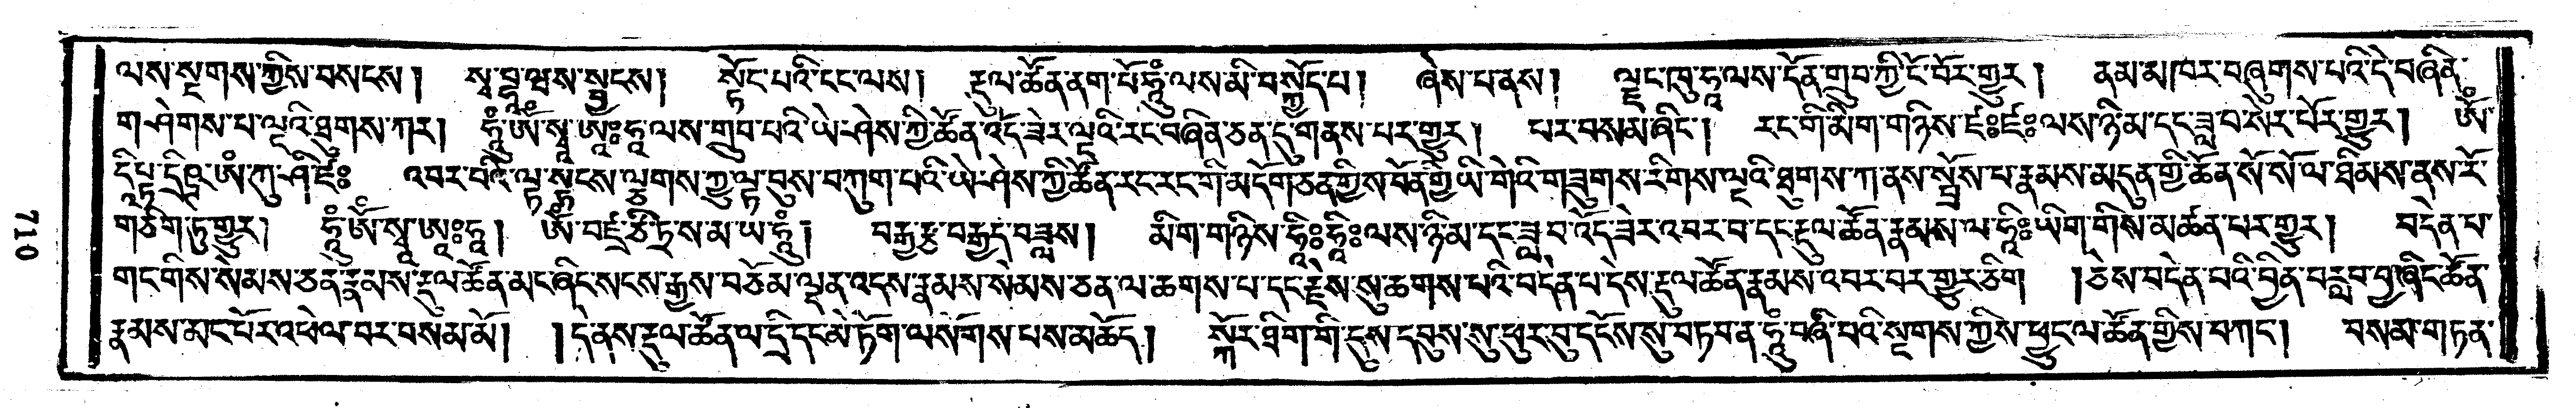ལས་སྔགས་ཀྱིས་བསངས། སྭ་བྷཱ་ཝས་སྦྱངས། སྟོང་པའི་ངང་ལས། རྡུལ་ཚོན་ནག་པོ་ཧཱུཾ་ལས་མི་བསྐྱོད་པ། ཞེས་པ་ནས། ལྗང་ཁུ་ཧཱ་ལས་དོན་གྲུབ་ཀྱི་ངོ་བོར་གྱུར། ནམ་མཁར་བཞུགས་པའི་དེ་བཞིན་
གཤེགས་པ་ལྔའི་ཐུགས་ཀར། ཧཱུཾ་ཨོཾ་སྭཱ་ཨཱཿ ཧཱུཾ་ལས་གྲུབ་པའི་ཡེ་ཤེས་ཀྱི་ཚོན་འོད་ཟེར་ལྔའི་རང་བཞིན་ཅན་དུ་གནས་པར་གྱུར། པར་བསམ་ཞིང་། རང་གི་མིག་གཉིས་ཛཿ ཛཿལས་ཉི་མ་དང་ཟླ་བ་སེར་པོར་གྱུར། ཨོཾ་
དཱིཔྟ་དྲིཥྚ་ཨཾ་ཀུ་ཤི་ཛཿ འབར་བའི་ལྟ་སྟངས་ལྕགས་ཀྱུ་ལྟ་བུས་བཀུག་པའི་ཡེ་ཤེས་ཀྱི་ཚོན་རང་རང་གི་མདོག་ཅན་གྱི་ས་བོན་གྱི་ཡི་གེའི་གཟུགས་རིགས་ལྔའི་ཐུགས་ཀ་ནས་སྦྲོས་པ་རྣམས་མདུན་གྱི་ཆོན་སོ་སོ་ལ་ཐིམས་ནས་རོ་
གཅིག་ཏུ་གྱུར། ཧཱུཾ་ཨོཾ་སྭཱ་ཨཱཿཧཱ། ཨོཾ་བཛྲ་ཙི་ཏྲ་ས་མ་ཡ་ཧཱུཾ༑ བརྒྱ་རྩ་བརྒྱད་བཟླས། མིག་གཉིས་ཧཱིཿཧཱིཿ ལས་ཉི་མ་དང་ཟླ་བ་འོད་ཟེར་འབར་བ་དང་རྡུལ་ཚོན་རྣམས་ལ་ཧཱིཿ ཡིག་གིས་མཚན་པར་གྱུར། བདེན་པ་
གང་གིས་སེམས་ཅན་རྣམས་རྡུལ་ཚོན་མང་ཞིང་སངས་རྒྱས་བཅོམ་ལྡན་འདས་རྣམས་སེམས་ཅན་ལ་ཆགས་པ་དང་རྗེས་སུ་ཆགས་པའི་བདེན་པ་དེས་རྡུལ་ཚོན་རྣམས་འབར་བར་གྱུར་ཅིག །ཅེས་བདེན་པའི་བྱིན་བརླབ་བྱ་ཞིང་ཚོན་
རྣམས་མང་པོར་འཕེལ་བར་བསམ་མོ། །དེ་ནས་རྡུལ་ཚོན་ལ་དྲི་དང་མེ་ཏོག་ལ་སོགས་པས་མཆོད། སྐོར་ཐིག་གི་དུས་དབུས་སུ་ཕུར་བུ་དངོས་སུ་བཏབ་ན་ཧཱུཾ་བཞི་པའི་སྔགས་ཀྱིས་ཕྱུང་ལ་ཚོན་གྱིས་བཀང་། བསམ་གཏན་